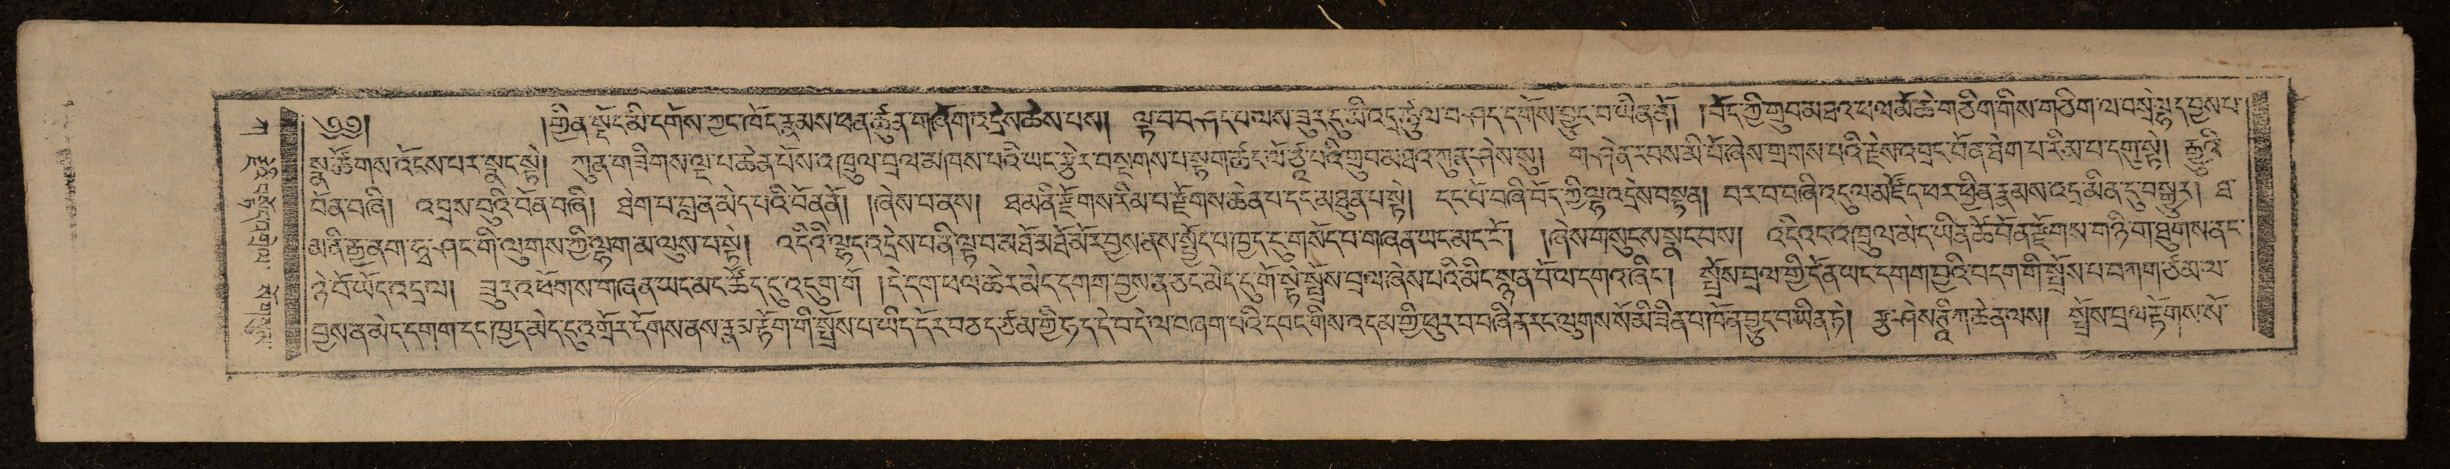༄༅། །གྱིན་སྡོད་མི་དགོས་ཀྱང་ཁོང་རྣམས་ཕན་ཚུན་གཞོག་འདྲེས་ཆེས་པས། ལྟ་བ་བཤད་པ་ལས་ཟུར་དུ་མི་འདྲ་ཚུལ་བཤད་དགོས་བྱུང་བ་ཡིན་ནོ། །བོད་ཀྱི་གྲུབ་མཐའ་ཕལ་མོ་ཆེ་གཅིག་གིས་གཅིག་ལ་བསྲེ་ལྷད་བྱས་པ་
སྣ་ཚོགས་འོངས་པར་སྣང་སྟེ། ཀུན་གཟིགས་ལྔ་པ་ཆེན་པོས་འཁྲུལ་བྲལ་མཁས་པའི་ཡང་རྩེར་བསྔགས་པ་སྟག་ཚང་ལོ་ཙཱ་བའི་གྲུབ་མཐའ་ཀུན་ཤེས་སུ། གཤེན་རབས་མི་བོ་ཞེས་གྲགས་པའི་རྗེས་འབྲང་པོན་ཐོག་པ་རིམ་པ་དགུ་སྟེ། རྒྱུའི་
བོན་བཞི། འབྲས་བུའི་བོན་བཞི། ཐེག་པ་བླ་ན་མེད་པའི་བོན་ནོ། །ཞེས་པ་ནས། ཐ་མ་ནི་རྫོགས་རིམ་པ་རྫོགས་ཆེན་པ་དང་མཐུན་པ་སྟེ། དང་པོ་བཞི་བོད་ཀྱི་ལྷ་འདྲེས་བསྟན། བར་པ་བཞི་འདུལ་མཛོད་ཕར་ཕྱིན་རྣམས་འདྲ་མིན་དུ་བསྒྱུར། ཐ་
མ་ནི་རྒྱ་ནག་ཧྭ་ཤང་གི་ལུགས་ཀྱི་ལྷག་མ་ལུས་པ་སྟེ། འདིའི་ལྷད་འདྲེས་པ་ནི་ལྟ་བ་མཐོ་མཐོ་མོར་བྱས་ནས་སྤྱོད་པ་ཁྱད་དུ་གསོད་པ་གཞན་ཡང་མང་ངོ། །ཞེས་གསུངས་སྣང་བས། འདིའང་འཁྲུལ་མེད་ཡིན་ཚེ་བོན་རྫོགས་གཉི་ག་ཐུགས་ནང་
ཉེ་པོ་ཡོད་འདྲ་ལ། ཟུར་འགོགས་གཞན་ཡང་མང་ཚོད་དུ་འདུག་གོ། །དེ་དག་ཕལ་ཆེར་མེད་དགག་བྱས་ན་ཅང་མེད་དུ་གོ་སྟེ་སྤྲོས་བྲལ་ཞེས་པའི་མིང་སྙན་པོ་ལ་དགའ་ཞིང་། སྤྲོས་བྲལ་གྱི་དོན་ཡང་དགག་བྱའི་བདག་གི་སྤྲོས་པ་བཀག་ཙམ་ལ་
བྱས་ན་མེད་དགག་དང་ཁྱད་མེད་དུ་འགྲོར་དོགས་ནས་རྣམ་རྟོག་གི་སྤྲོས་པ་ཡིད་ངོར་བཅད་ཙམ་གྱི་ཧད་དེ་བདེ་ལ་བཞག་པའི་དབང་གིས་འདམ་གྱི་ཕུར་བ་བཞིན་རང་ལུགས་སོ་མི་ཟིན་པ་ཁོ་ན་བྱུང་བ་ཡིན་ཏེ། རྩ་ཤེས་ཊཱིཀ་ཆེན་ལས། སྤྲོས་བྲལ་རྟོགས་སོ་